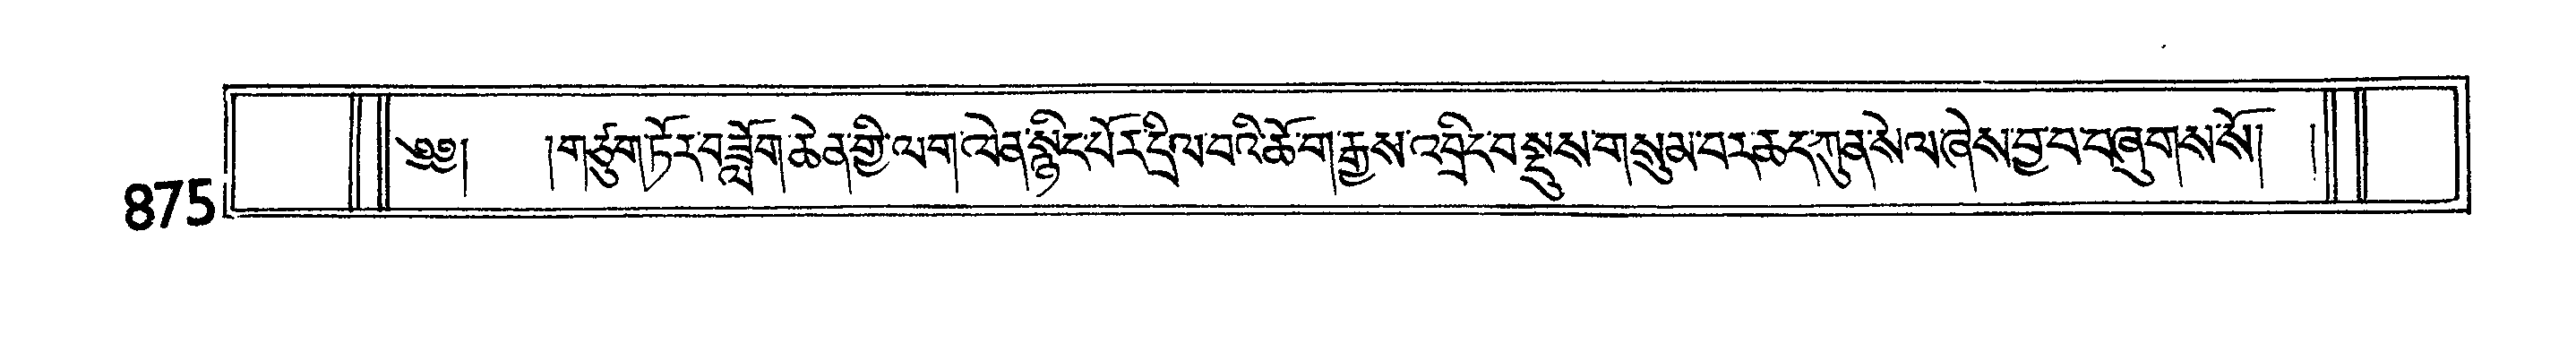༄༅། །གཙུག་ཏོར་བཟློག་ཆེན་གྱི་ལག་ལེན་སྙིང་པོར་དྲིལ་བའི་ཆོ་ག་རྒྱས་འབྲིང་བསྡུས་གསུམ་བར་ཆད་ཀུན་སེལ་ཞེས་བྱ་བ་བཞུགས་སོ། །